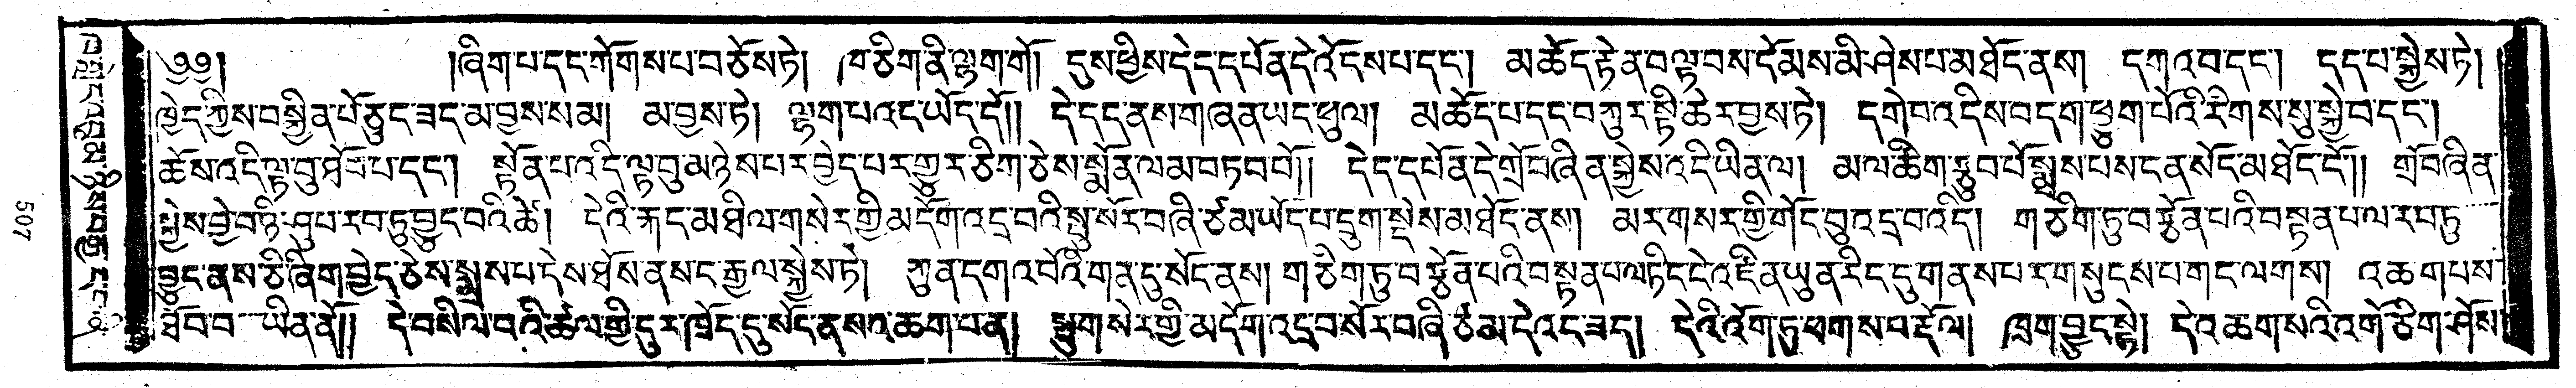༄༅། །ཞིག་པ་དང་གོགས་པ་བཅོས་ཏེ། ཁ་ཅིག་ནི་ལྷག་གོ། དུས་ཕྱིས་དེད་དཔོན་དེ་འོངས་པ་དང་། མཆོད་རྟེན་བལྟ་བས་ངོམས་མི་ཤེས་པ་མཐོང་ནས། དགའ་བ་དང་། དད་པ་སྐྱེས་ཏེ།
ཁྱེད་ཀྱིས་བསྐྱིན་པོ་ཅུང་ཟད་མ་བྱས་སམ། མ་བྱས་ཏེ། ལྷག་པའང་ཡོད་དོ།། དེ་དད་ནས་གཞན་ཡང་ཕུལ། མཆོད་པ་དང་བཀུར་སྟི་ཆེར་བྱས་ཏེ། དགེ་བ་འདིས་བདག་ཕྱུག་པོའི་རིགས་སུ་སྐྱེ་བ་དང་།
ཆོས་འདི་ལྟ་བུ་ཐོབ་པ་དང་། སྟོན་པ་འདི་ལྟ་བུ་མཉེས་པར་བྱེད་པར་གྱུར་ཅིག་ཅེས་སྨོན་ལམ་བཏབ་བོ།། དེད་དཔོན་དེ་གྲོ་བཞིན་སྐྱེས་འདི་ཡིན་ལ། མ་ལ་ཚིག་རྩུབ་པོ་སྨྲས་པས་ངན་སོང་མཐོང་ངོ།། གྲོ་བཞིན་
སྐྱེས་བྱེ་བ་ཉི་ཤུ་པ་རབ་ཏུ་བྱུང་བའི་ཚེ། དེའི་རྐང་མཐིལ་གསེར་གྱི་མདོག་འདྲ་བའི་སྤུ་སོར་བཞི་ཙམ་ཡོད་པ་དྲུག་སྡེས་མཐོང་ནས། མར་གསར་གྱི་གོང་བུ་འདྲ་བ་འདི། གཅིག་ཏུ་བརྩོན་པའི་བསྟན་པ་ལ་རབ་ཏུ་
བྱུང་ནས་ཅི་ཞིག་བྱེད་ཅེས་སྨྲས་པ་དེས་ཐོས་ནས་ང་རྒྱལ་སྐྱེས་ཏེ། ཀུན་དགའ་བོའི་གན་དུ་སོང་ནས། གཅིག་ཏུ་བརྩོན་པའི་བསྟན་པ་ལ་ཏིང་ངེ་འཛིན་ཡུན་རིང་དུ་གནས་པར་གསུངས་པ་གང་ལགས། འཆག་པས་
ཐོབ་བ་ཡིན་ནོ།། དེ་བསིལ་བའི་ཚལ་གྱི་དུར་ཁྲོད་དུ་སོང་ནས་འཆག་པ་ན། སྤུ་གསེར་གྱི་མདོག་འདྲ་བ་སོར་བཞི་ཙམ་དེའང་ཟད། དེའི་འོག་ཏུ་ཕགས་བརྡོ་ལ། ཁྲག་བྱུང་སྟེ། དེ་འཆག་སའི་འགོ་ཅིག་ཤོས་